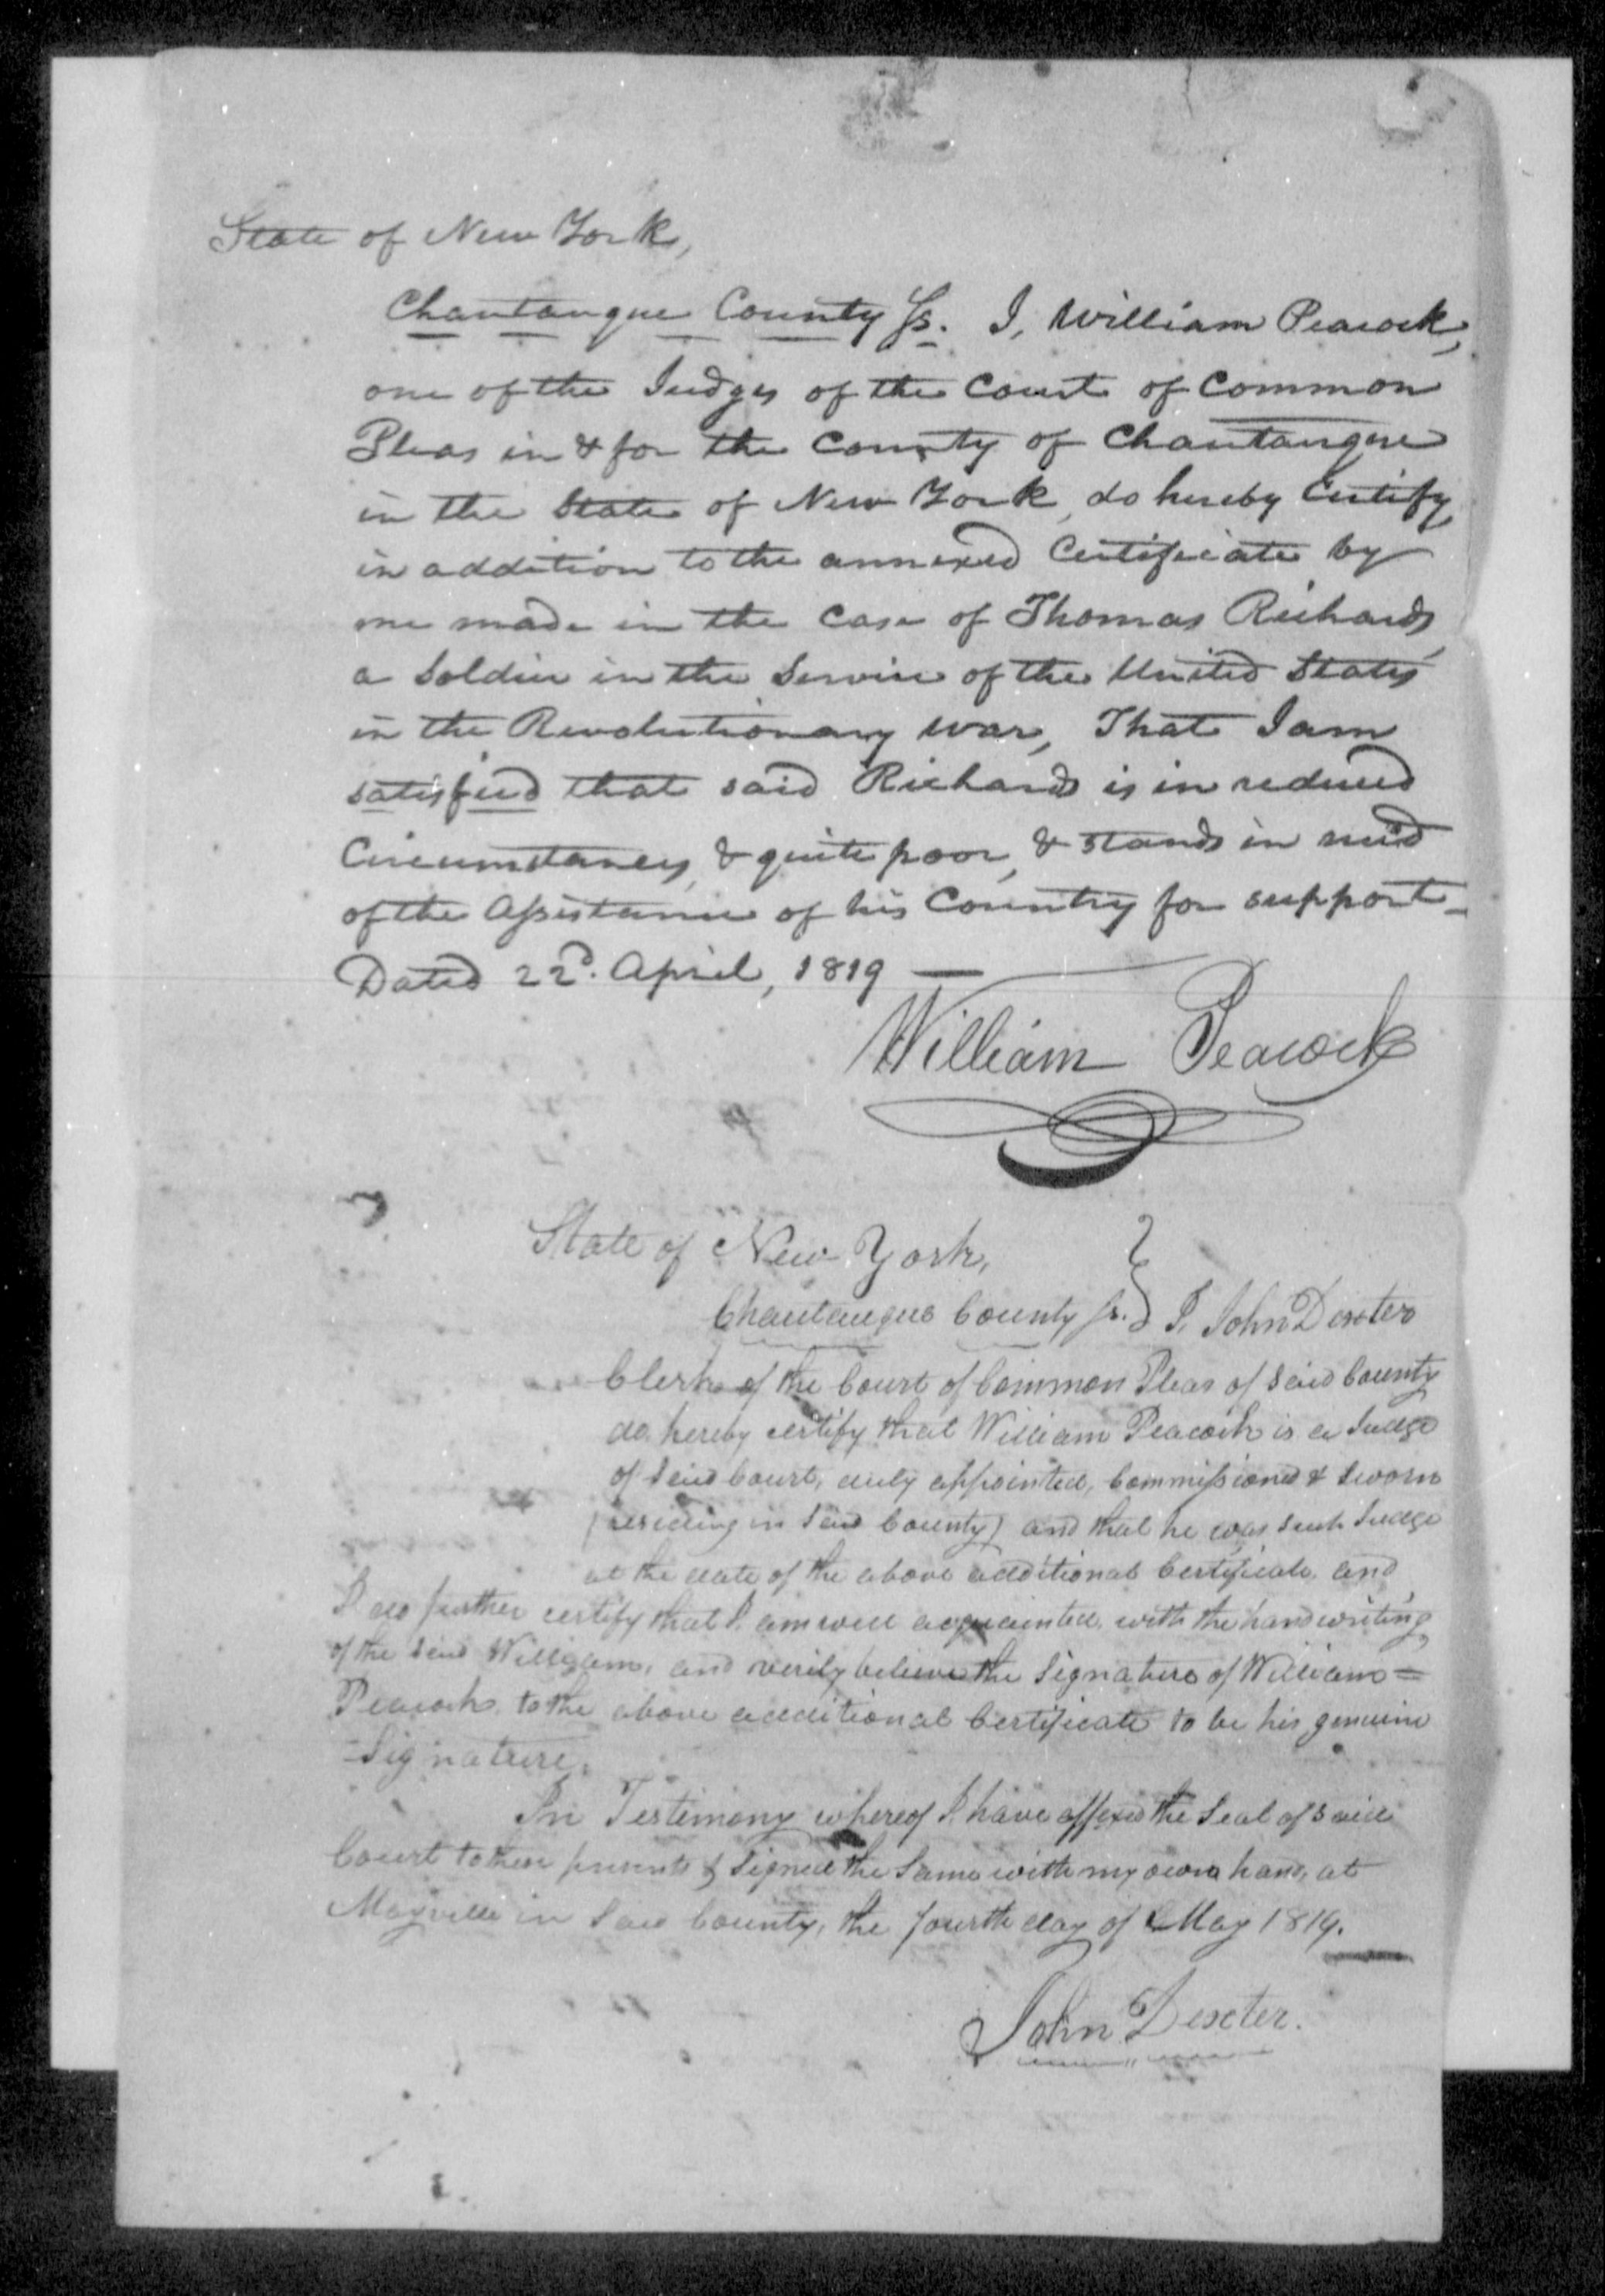State of New York,
Chautauqua County Ss. I, William Peacock, one of the Judges of the Court of Common Pleas in & for the County of Chautauqua in the State of New York, do hereby certify, in addition to the annexed Certificate by me made in the case of Thomas Richards a Soldier in the Service of the United States in the Revolutionary war, That I am satisfied that said Richards is in reduced circumstances, & quite poor, & stands in need of the assistance of his Country for support. Dated 22d. April, 1819-
William Peacock
State of New York, Chautauqua County Ss.} I, John Dexter Clerk of the Court of Common Pleas of Said County do hereby certify that William Peacock is a Judge of said Court, duly appointed, commissioned & sworn residing in said County and that he was such Judge at the date of the above additional Certificate, and I further certify that I am well acquainted with the hand writing of the Said William, and verily believe the Signature of William Peacock to the above additional Certificate to be his genuine Signature.
In Testimony whereof I have affixed the Seal of said Court to those presents & Signed the Same with my own hand at Mayville in Said County, the fourth day of May 1819.
John Dexter.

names: William Peacock; William Peacock; [BLANK] Richards; Thomas Richards; William [BLANK]; John Dexter; John Dexter; William Peacock; William Peacock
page: 8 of 109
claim: widow's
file: W. 5709, for Thomas Richards, New Hampshire